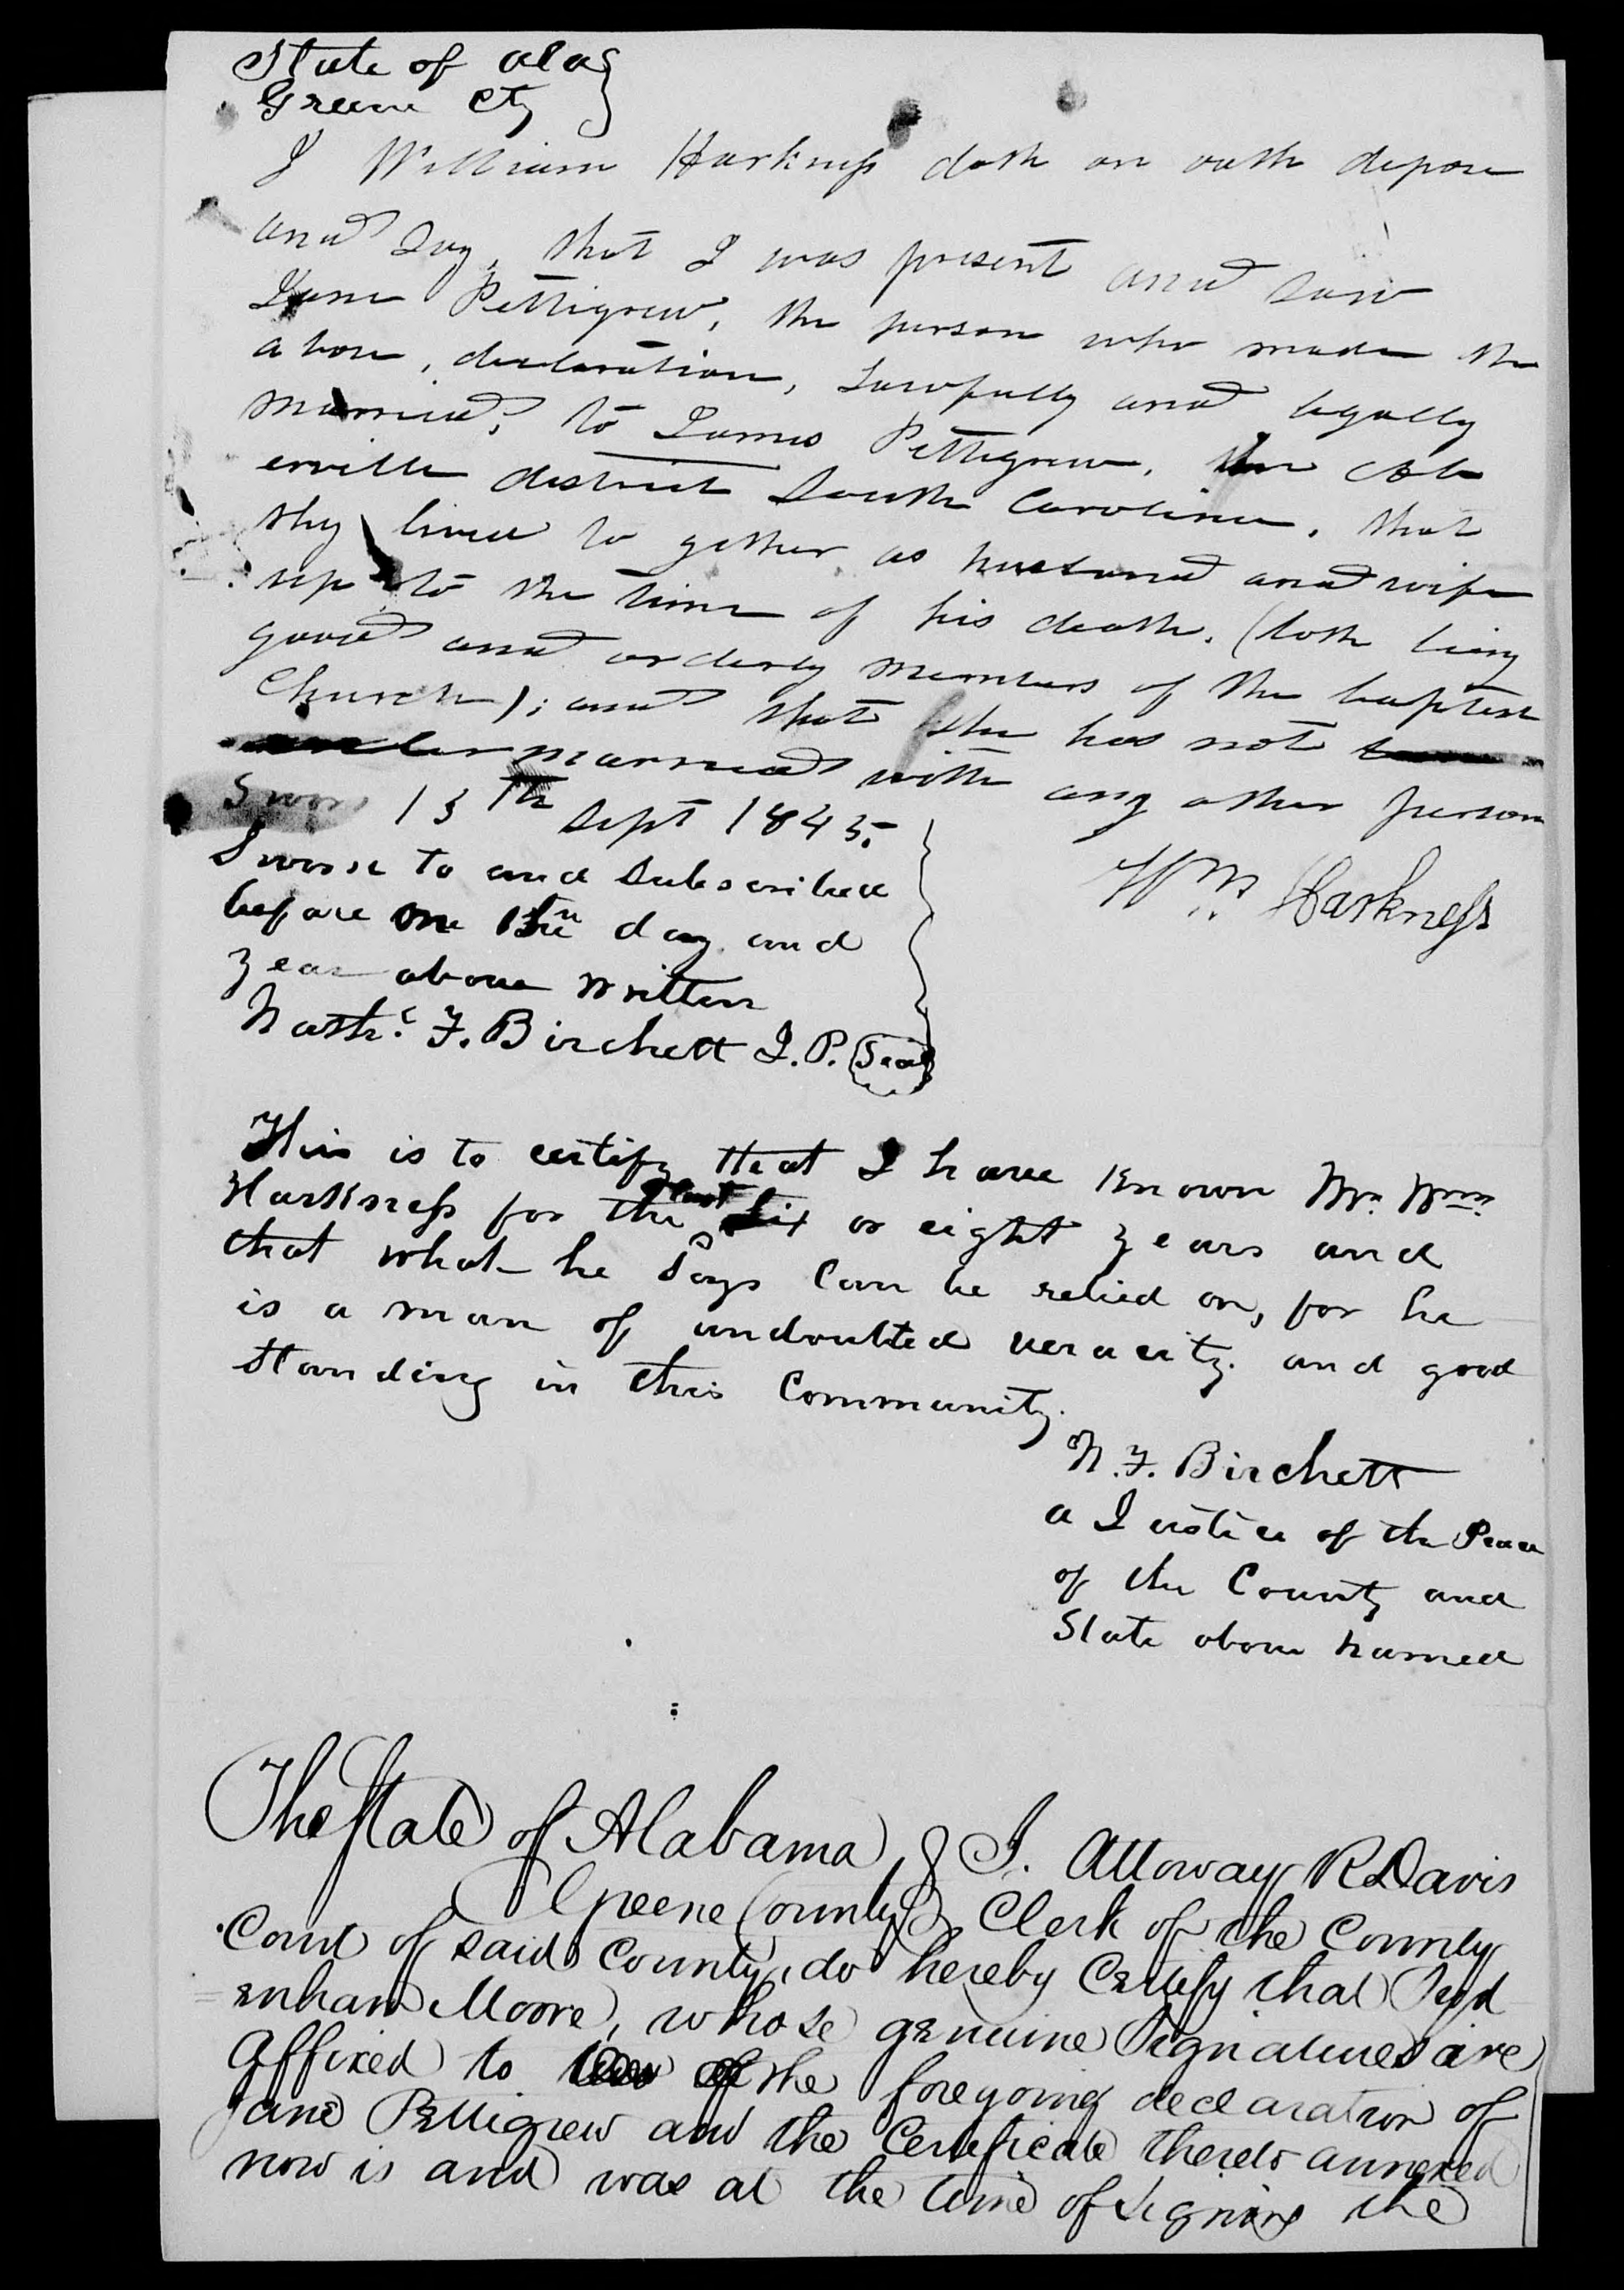State of Ala
Greene Cty
I William Harkness doth on oath depose and say that I was present and saw Jane Pettigrew, the person who made the a Law, declaration, lawfully and legally married, to James Pettigrew, the Abbeville District South Carolina, that they lived together as husband and wife up to the time of his death, (both being good and orderly members of New Baptist Church) ; and that she has not [illegible] ["such" crossed out] married with any other person.
[illegible] 13th Sept 1843. -
Sworn to and subscribed
before on 13th day and
year above written
North. F. Birchcot J.P [seal]
Wm. Harkness

This is to certify that I have known Mr. Wm. Harkness for the six or eight years and that which he says soon be relied on, for he is a man of undoubted veracity. and good standing in this community. 
N. F. Birchett
A justice of the Peace
of the County and
State above named

The State of Alabama
Greene County
 I, Attorney R Davis Clerk of the County Court of said County do hereby certify that [illegible] Moore, whose genuine signatures are affixed to [illeigible] ["of" crossed off] the foregoing declaration of Jane Pettigrew and the Certificate thereof annexed now is and was at the time of signing the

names: William Harkness; Attoway R Davis; Jane Pettigrew; Nathl F Birchett; James Pettigrew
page: 71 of 92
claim: widow's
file: W. 5522, for James Pettigrew, South Carolina